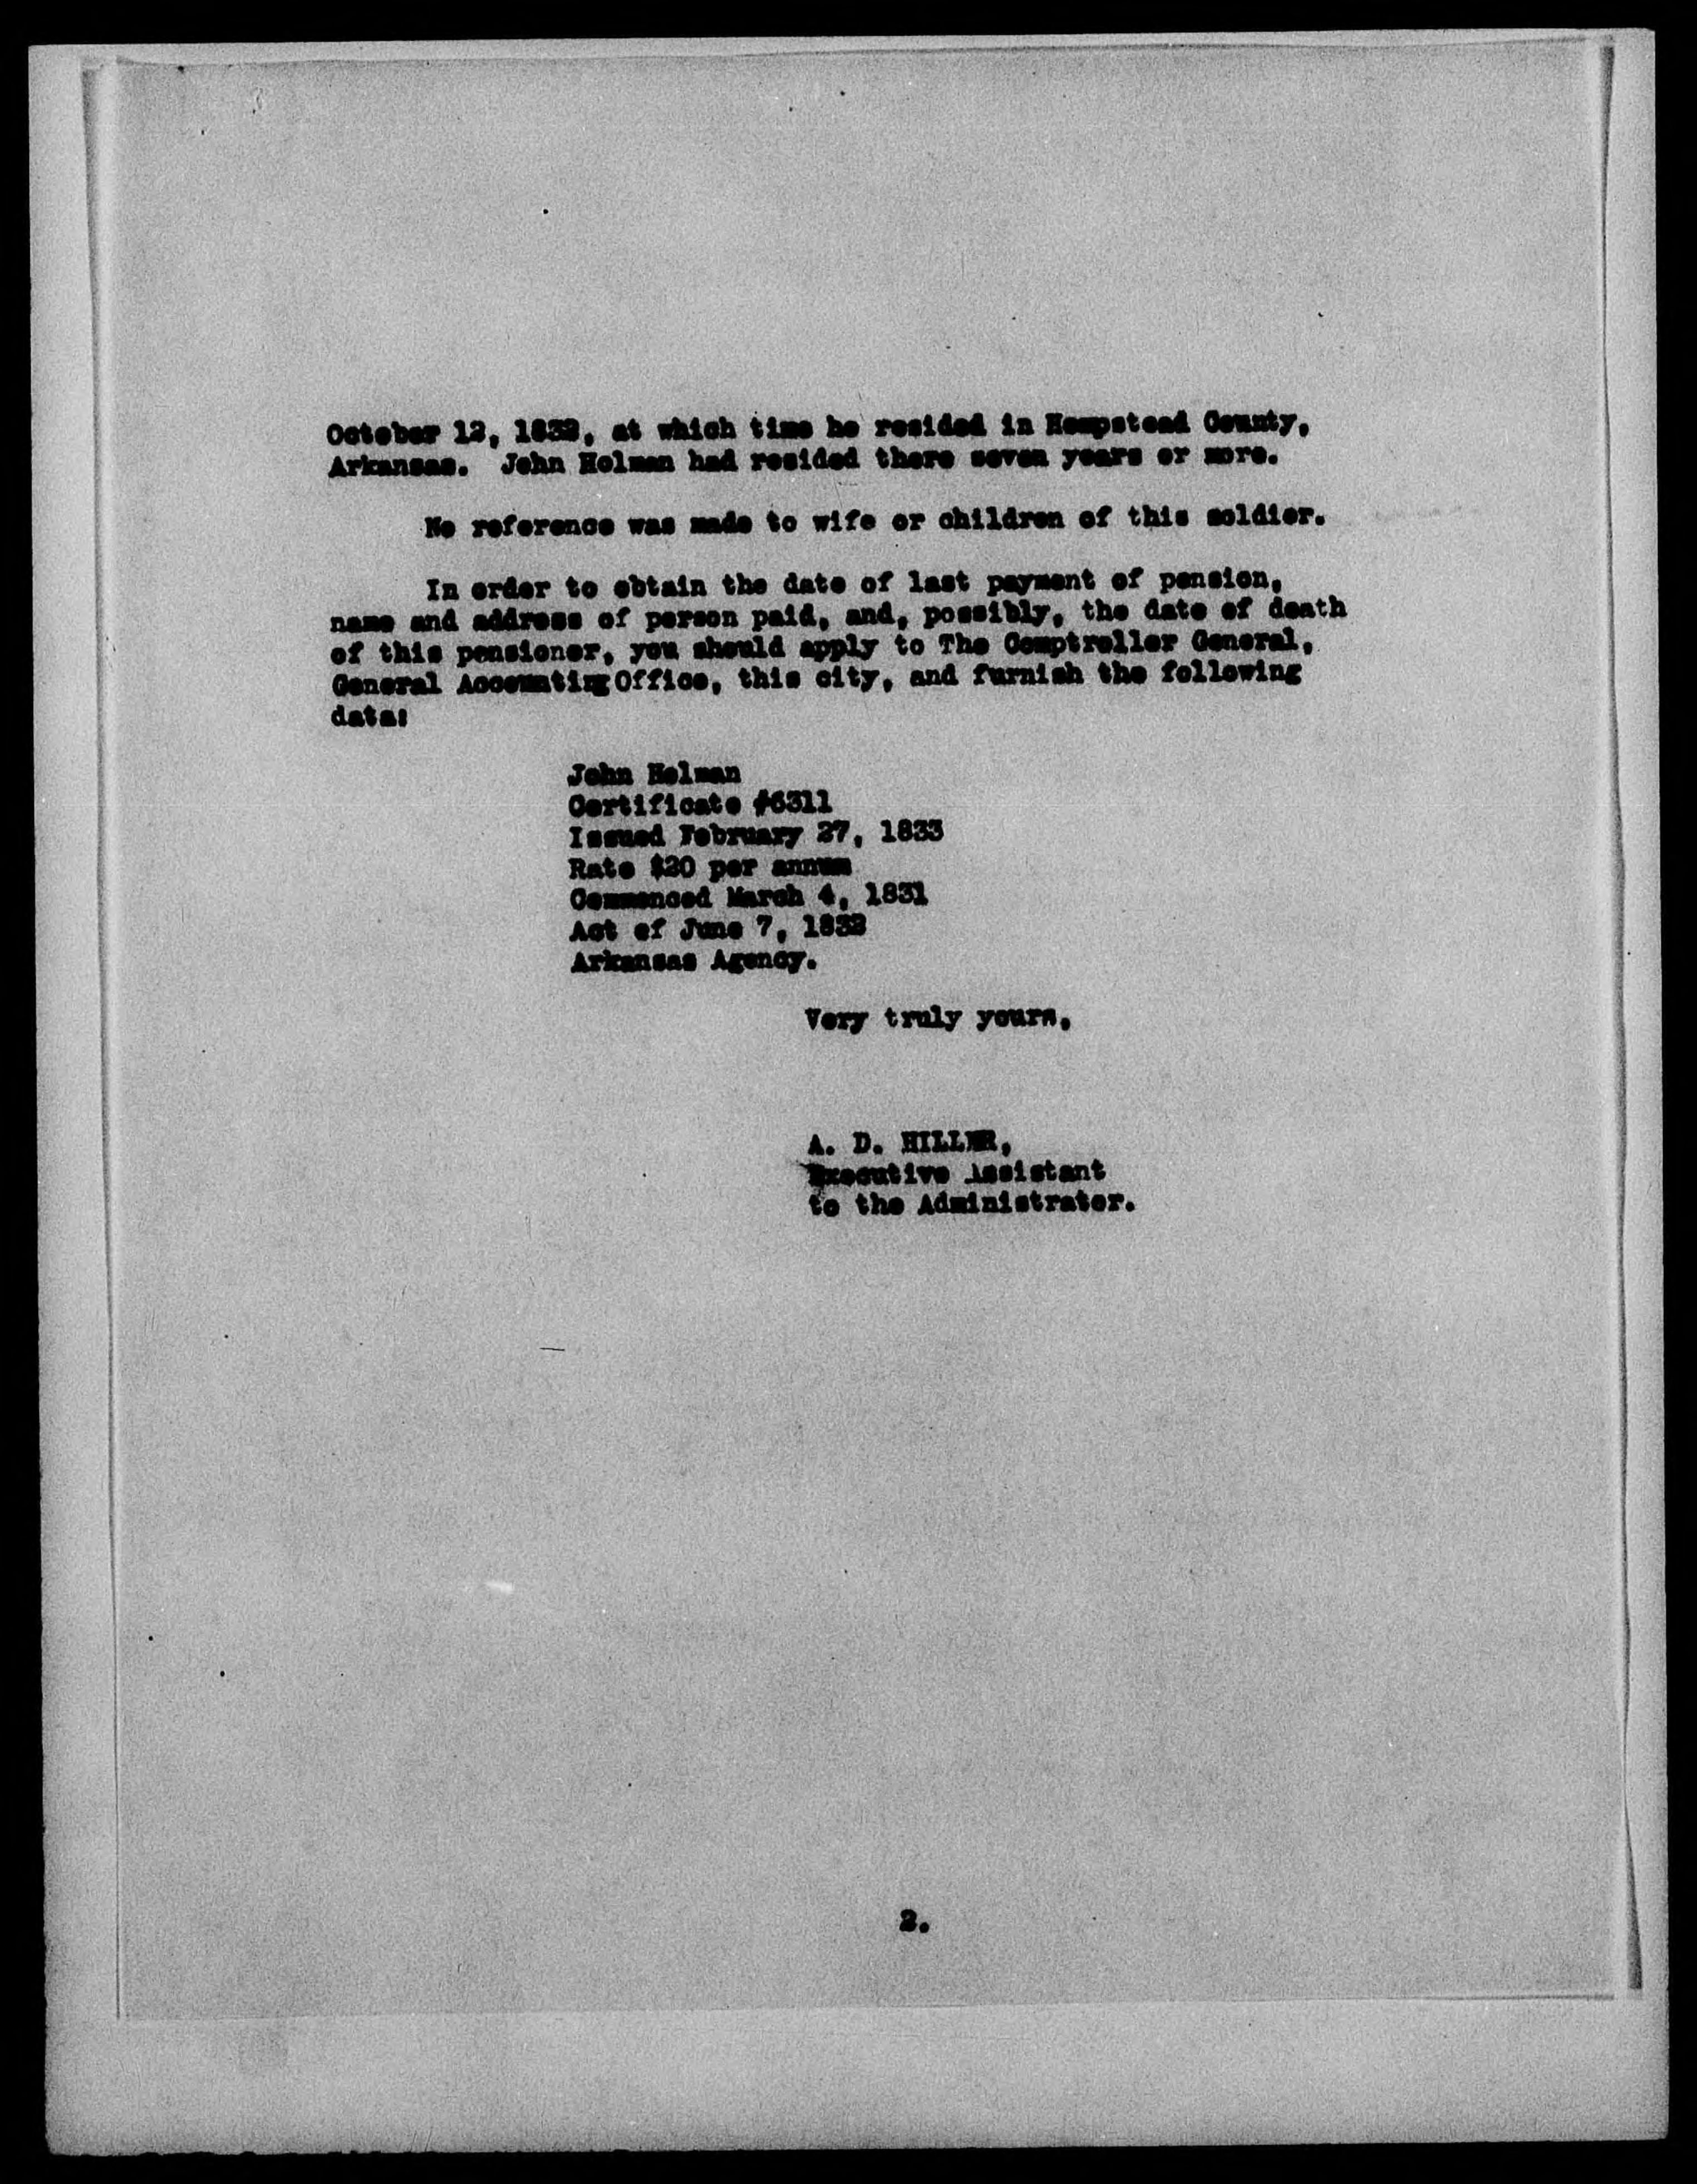October 12, 1832, at which time he resided in Hempstead County,
Arkansas. John Holman has resided there seven years or more.
No reference was made to wife or children of the soldier.
In order to obtain the date of last payment of pension
name and address of person paid, and, possibly, the date of death
of this pensioner, you should apply to the Comptroller General,
General Accounting Office, this city, and furnish the following  data:
John Holman
Certificate #8311
Issued February 27, 1833
Rate $20 per annum 
Commenced March 4, 1831
Act of June 7, 1832
Arkansas Agency.
Very truly yours 
A.D. Hiller,
Executivre Assistant
to the Administrator.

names: John Holman, John Holman, A D Hiller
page: 15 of 30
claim: survivor's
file: S. 31753, John Holman, Va.